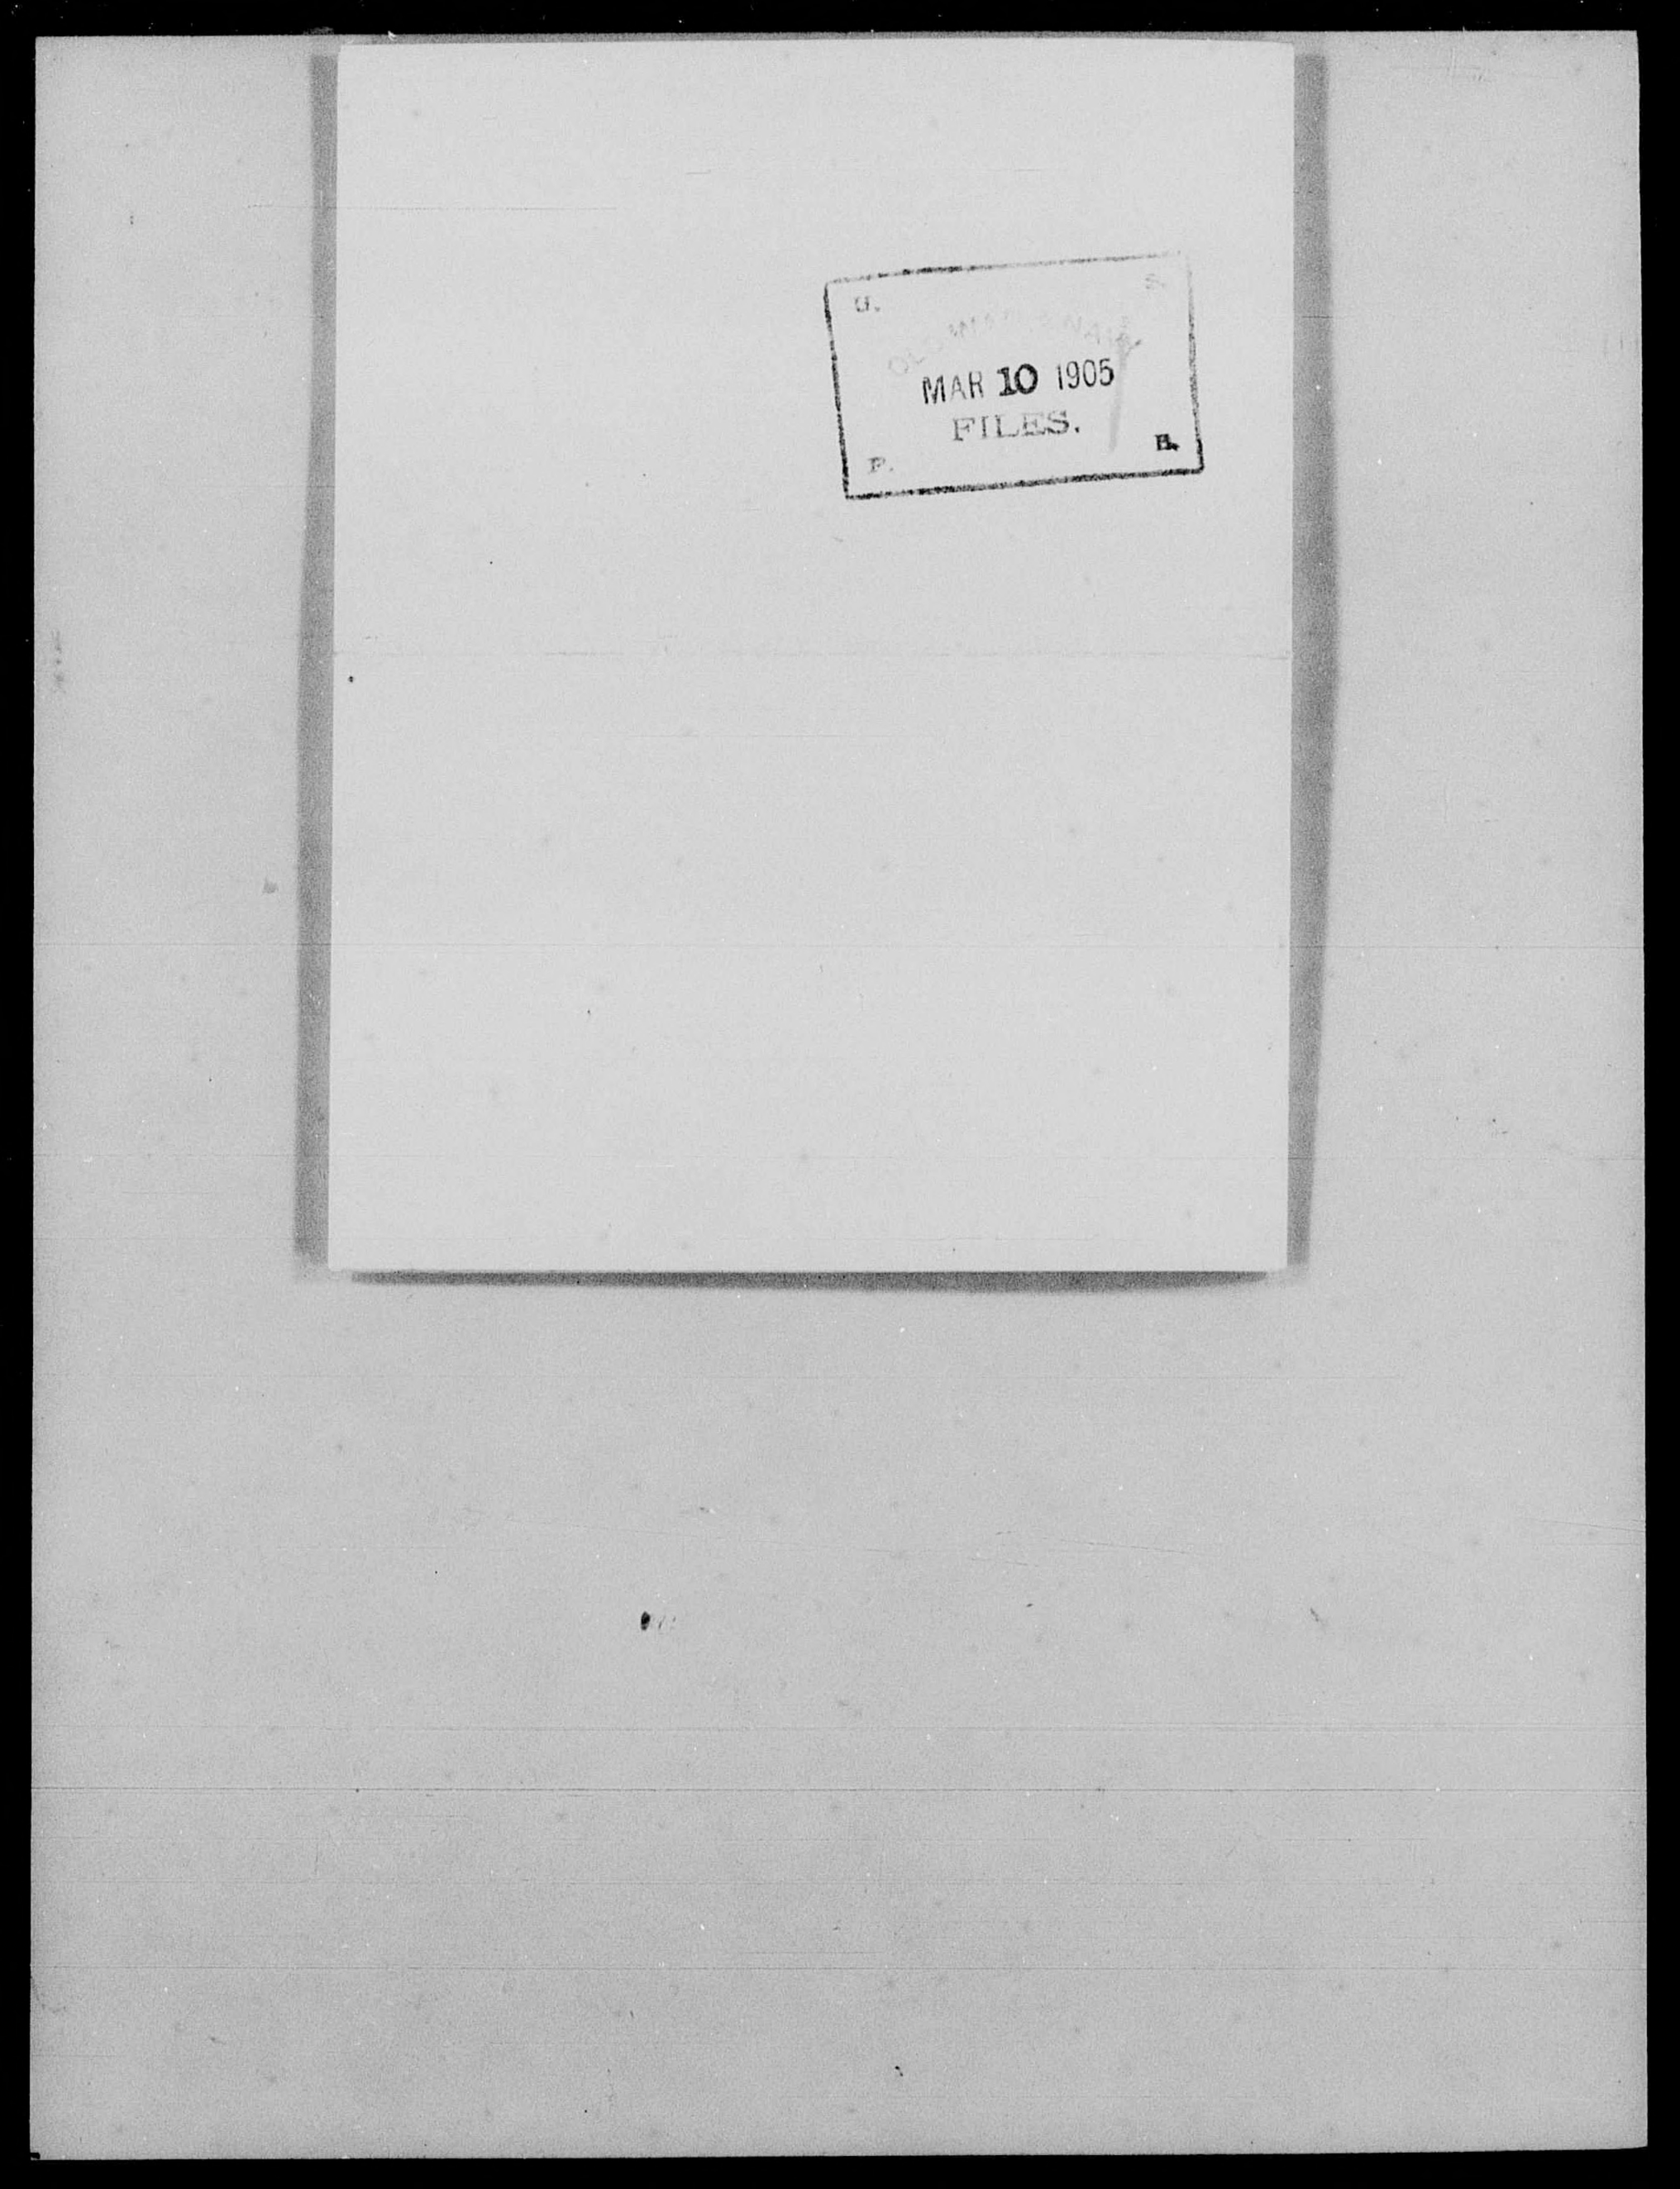[black stamp]
OLD [illegible] NAVY
MAR 10 1905
FILES.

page: 35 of 54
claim: widow's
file: W. 26,897, for George Pitts, Massachusetts